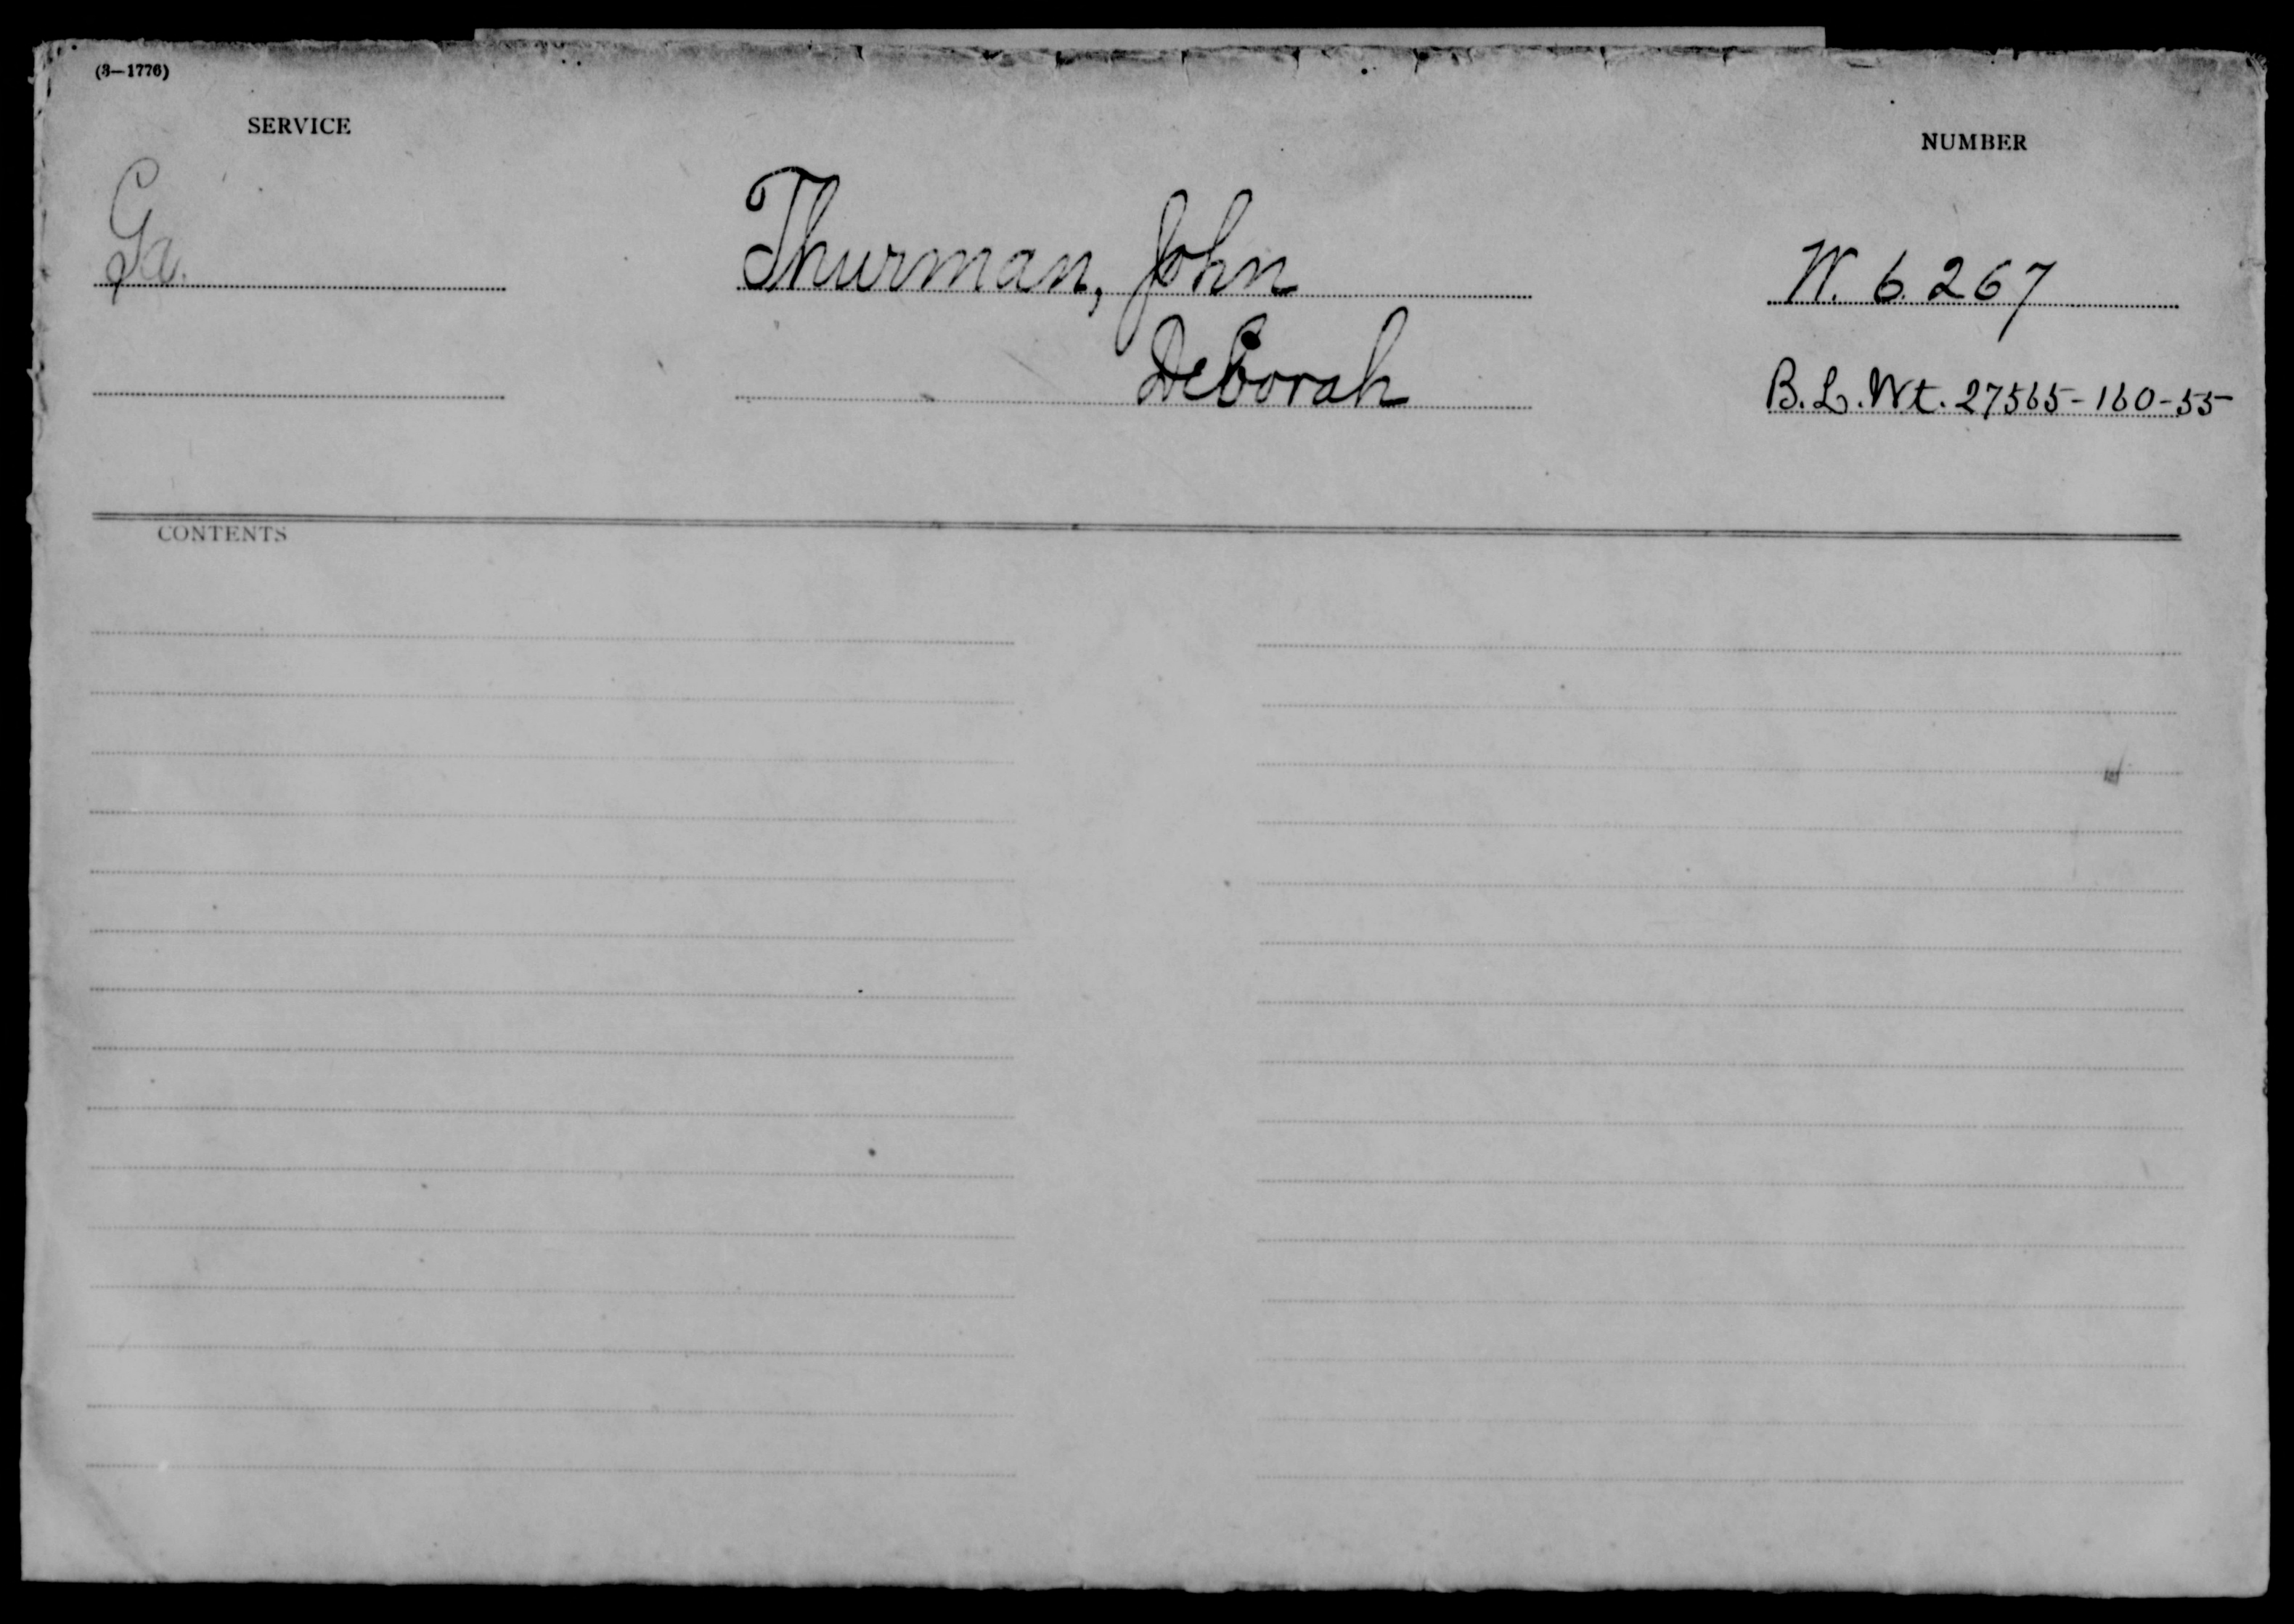Service - Ga. 
Thurman, John
Deborah
Number W.6267
B.L.Wt. 27565-160-55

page: 1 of 53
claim: widow's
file: W. 6,267, for John Thurman, Georgia